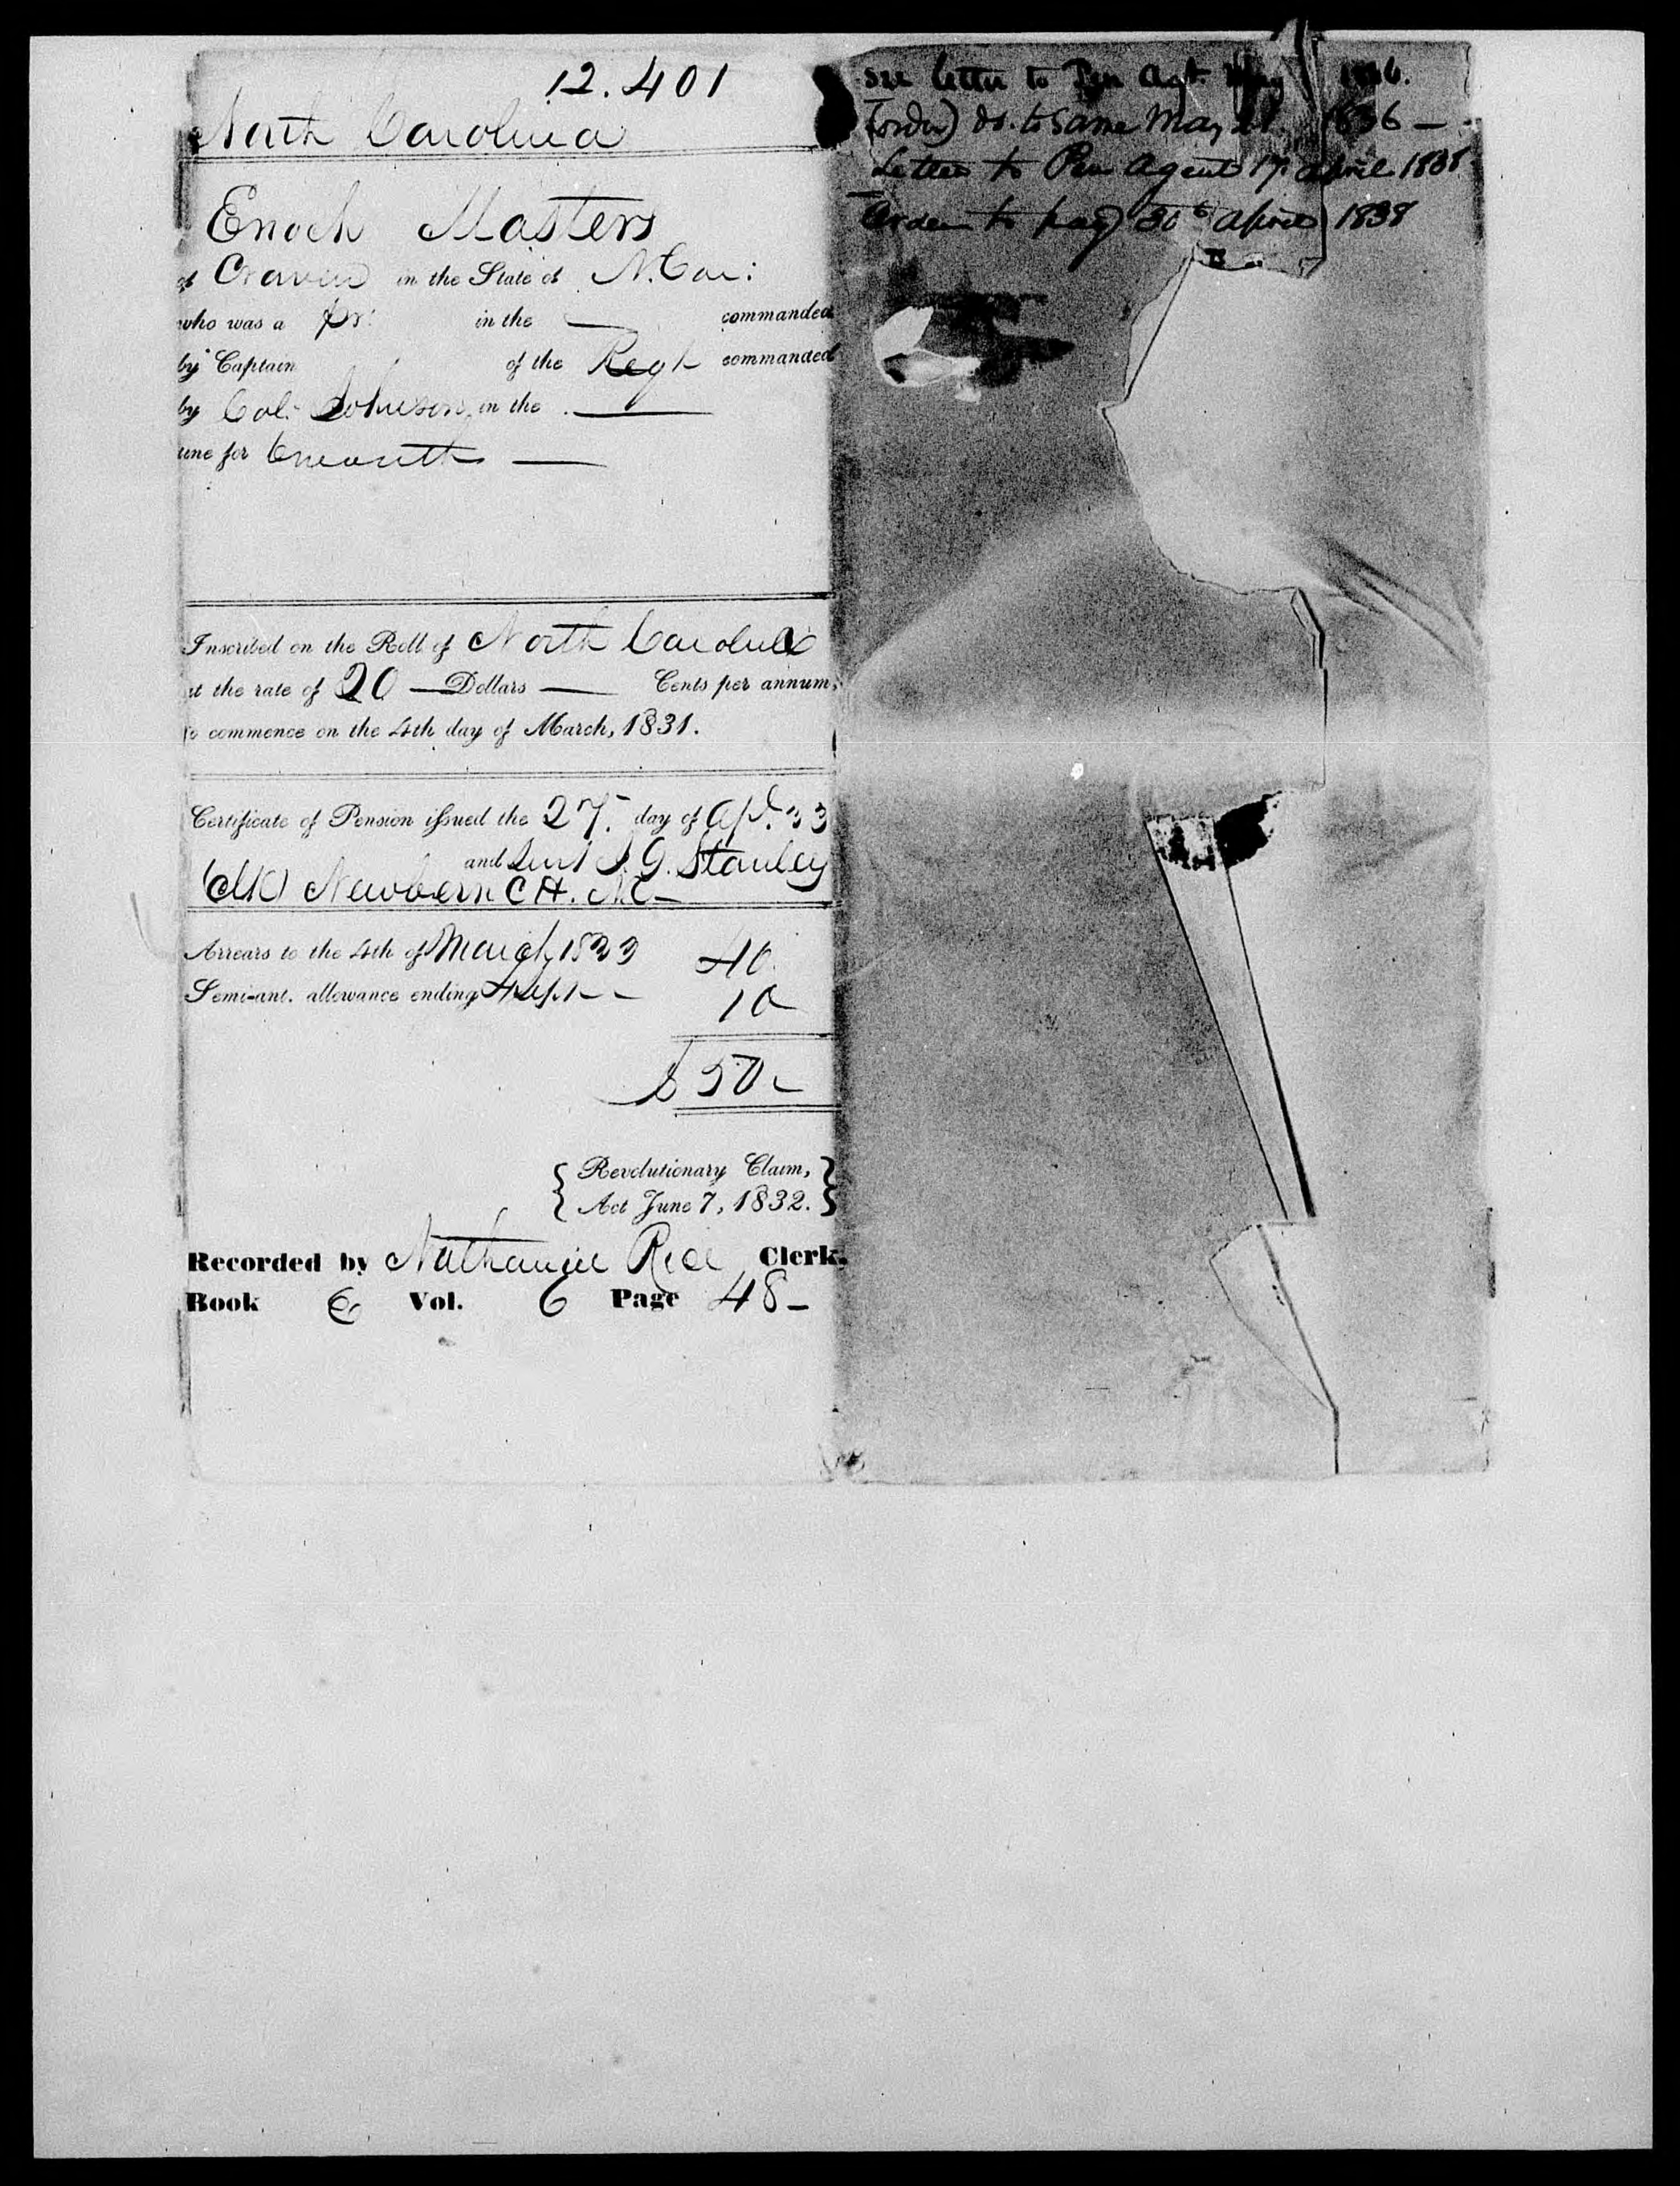[Left side of page]

12.401
North Carolina

Enoch Masters
of Cravin in the State of N. Car:
who was a pri [private] in the ____ commaded
by Captain ____ of the Regt [regiment] commanded
by Col. Johnson in the _____
[illegible] for 6 months ---

===========
Inscribed on the Roll of North Carolina
at the rate of 20 Dollars ___ cents per annum
to commence on the 4th day of March 1831
===========
Certificate of Pension issued the 27 day of Apl 33  [1833] and sent J.G. Stanley (Clk) Newbern CH Clk
===========
Arrears to the 4th of March 1833  [$]40
Semi-anl allowance ending 4 Sept.   [$]10
[total] $50

{Revolutionary Claim, Act June 7, 1832}

Recorded by Nathaniel Rice Clerk
Book E Vol. 6 Page 48--

[right side of page]
See letter to Pen Agt. May [illegible]
[illegible] to same May 21, 1836--
Letter to Pen Agent 17 April 1838
Order to pay 30 6 April 1838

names: [BLANK] Johnson; Enoch Masters; Nathaniel Rice; J G Stanley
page: 2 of 15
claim: survivor's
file: S. 2749, for Enoch Masters, North Carolina